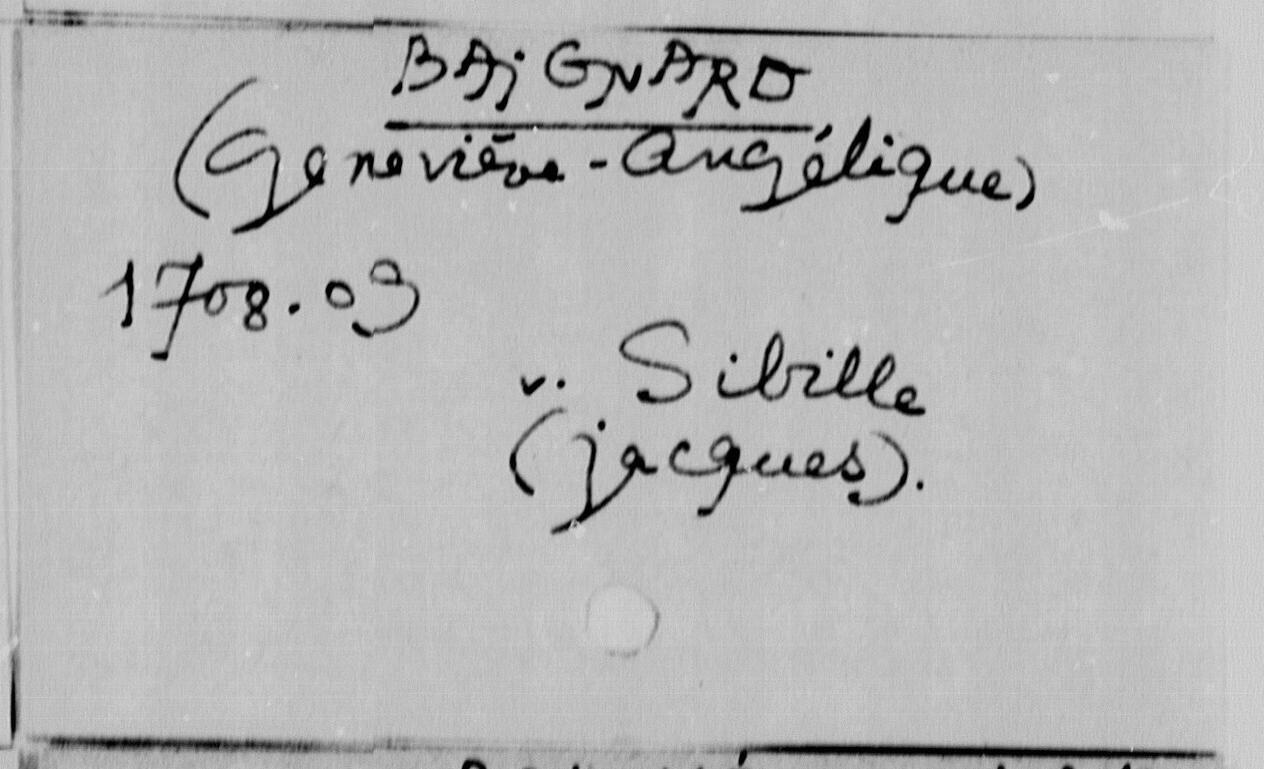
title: BAIGNARD (Geneviève-Angélique)
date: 1708-1709
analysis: Voir Sibille (Jacques)
